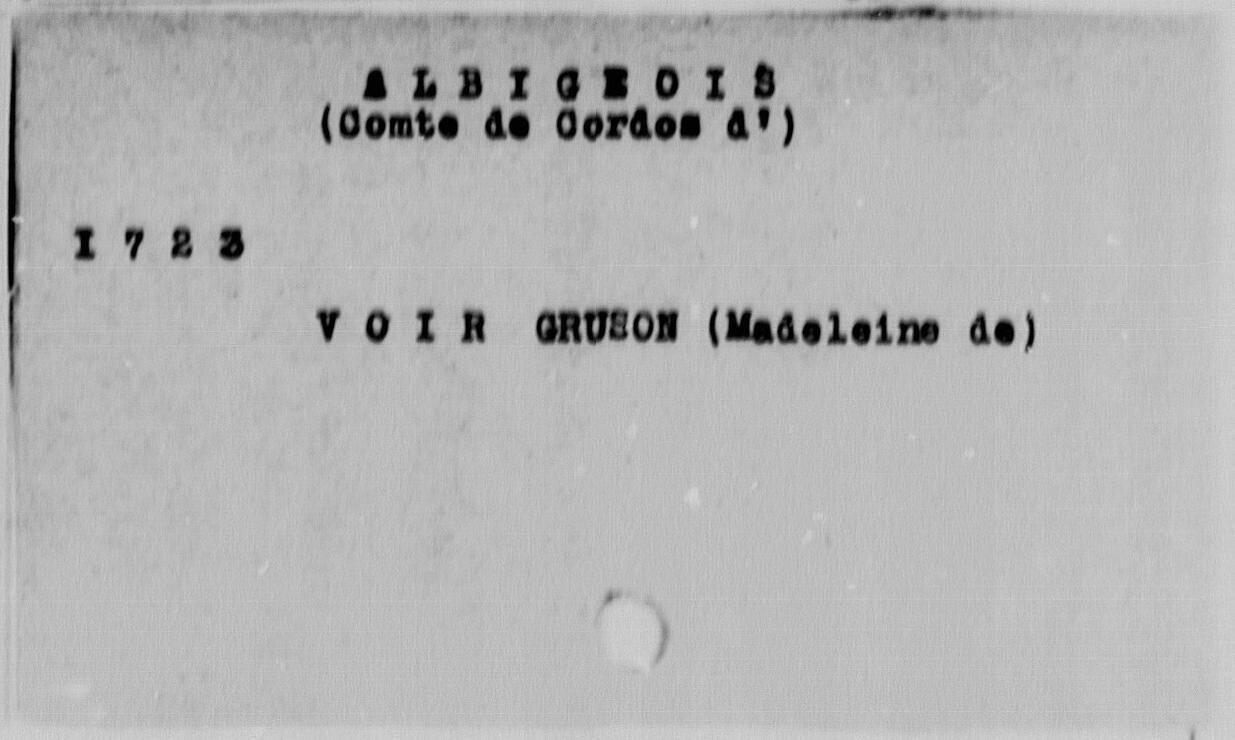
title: ALBIGEOIS (comte de Cordes d')
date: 1723
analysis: Voir GRUSON (Madeleine de)
